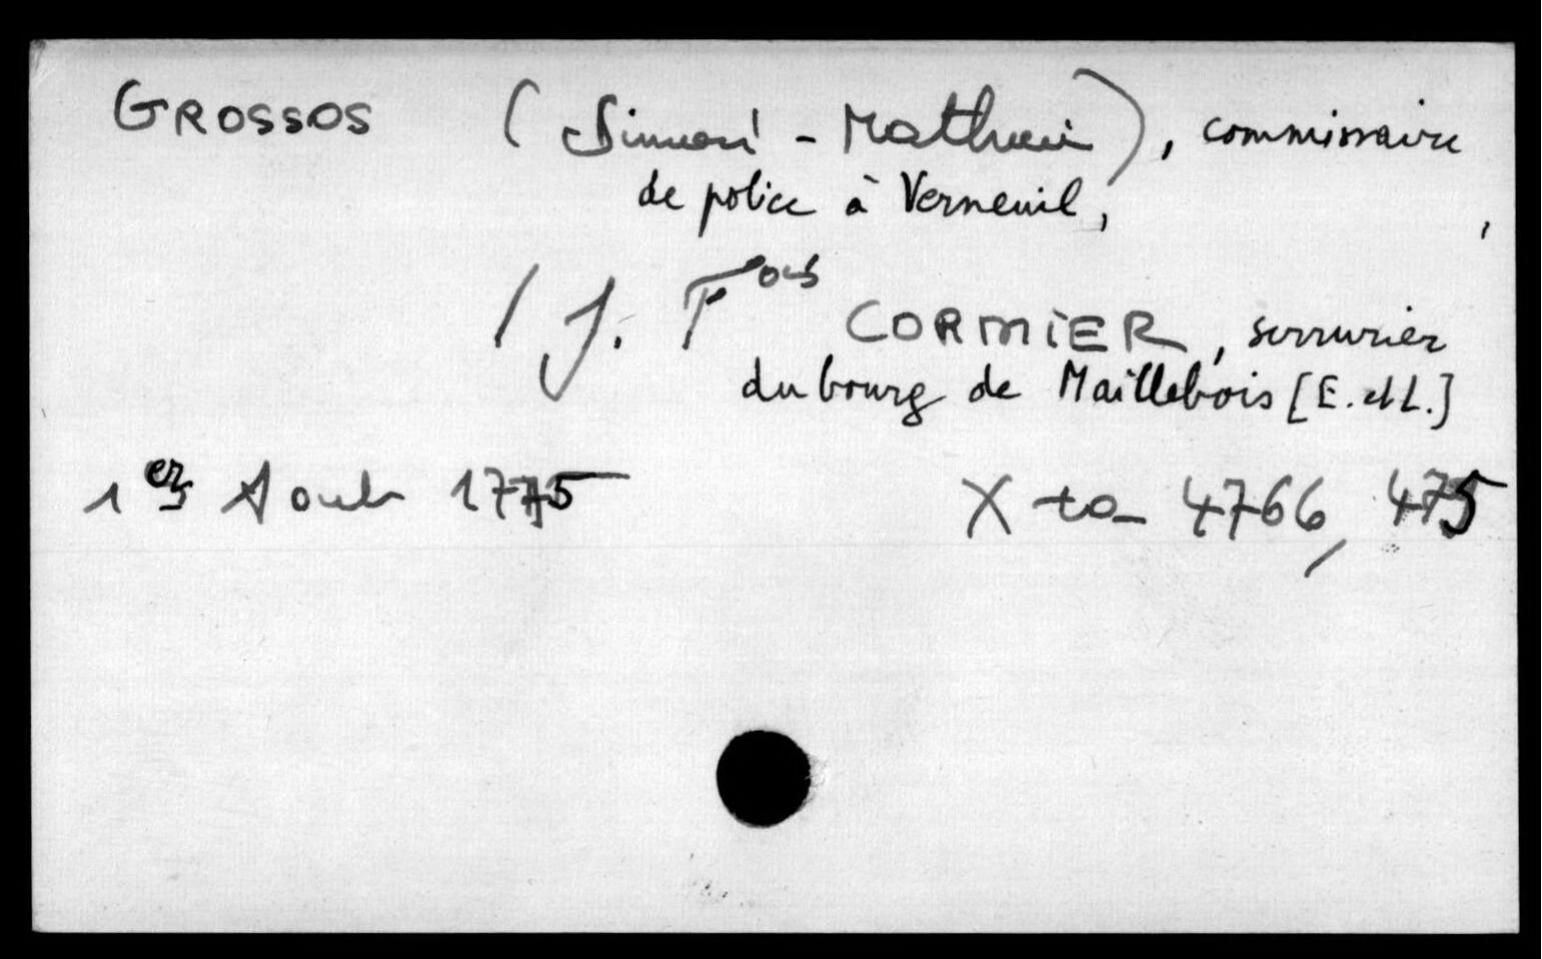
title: GROSSOS (Simon-Mathieu), commissaire de police à Verneuil
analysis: Contre Jean-François Cormier, serrurier du bourg de Maillebois [Eure-et-Loir]
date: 1er août 1775
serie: X1A
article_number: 4766
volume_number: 475
